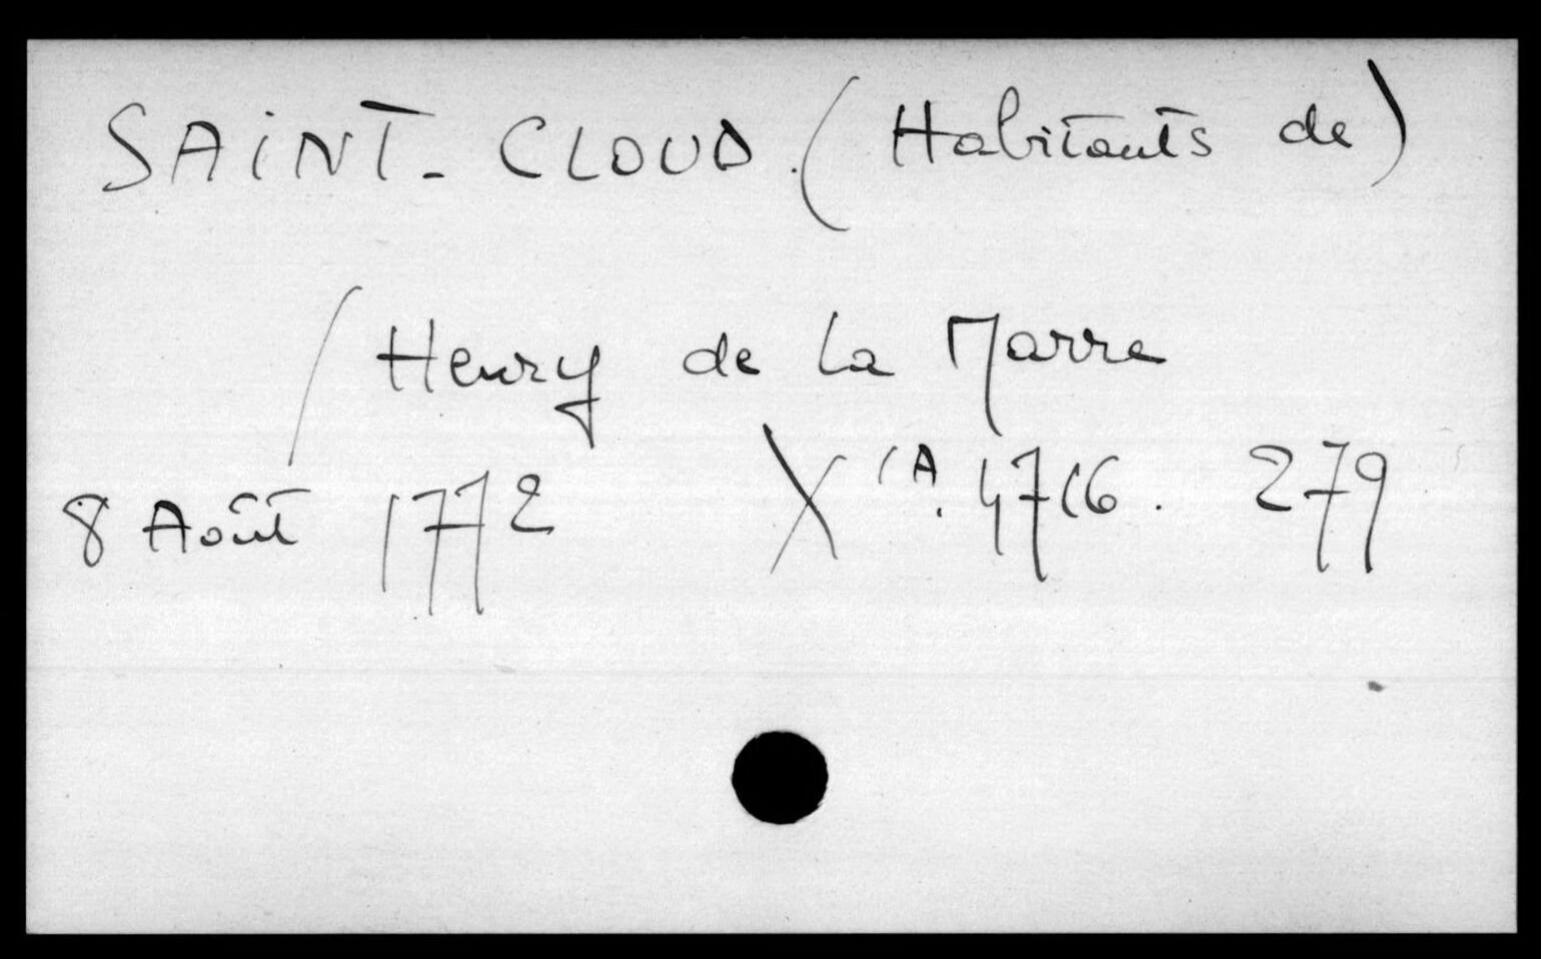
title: SAINT-CLOUD (Habitants de)
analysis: Contre Henry de La Marre
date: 8 août 1772
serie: X1A
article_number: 4716
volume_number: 279
